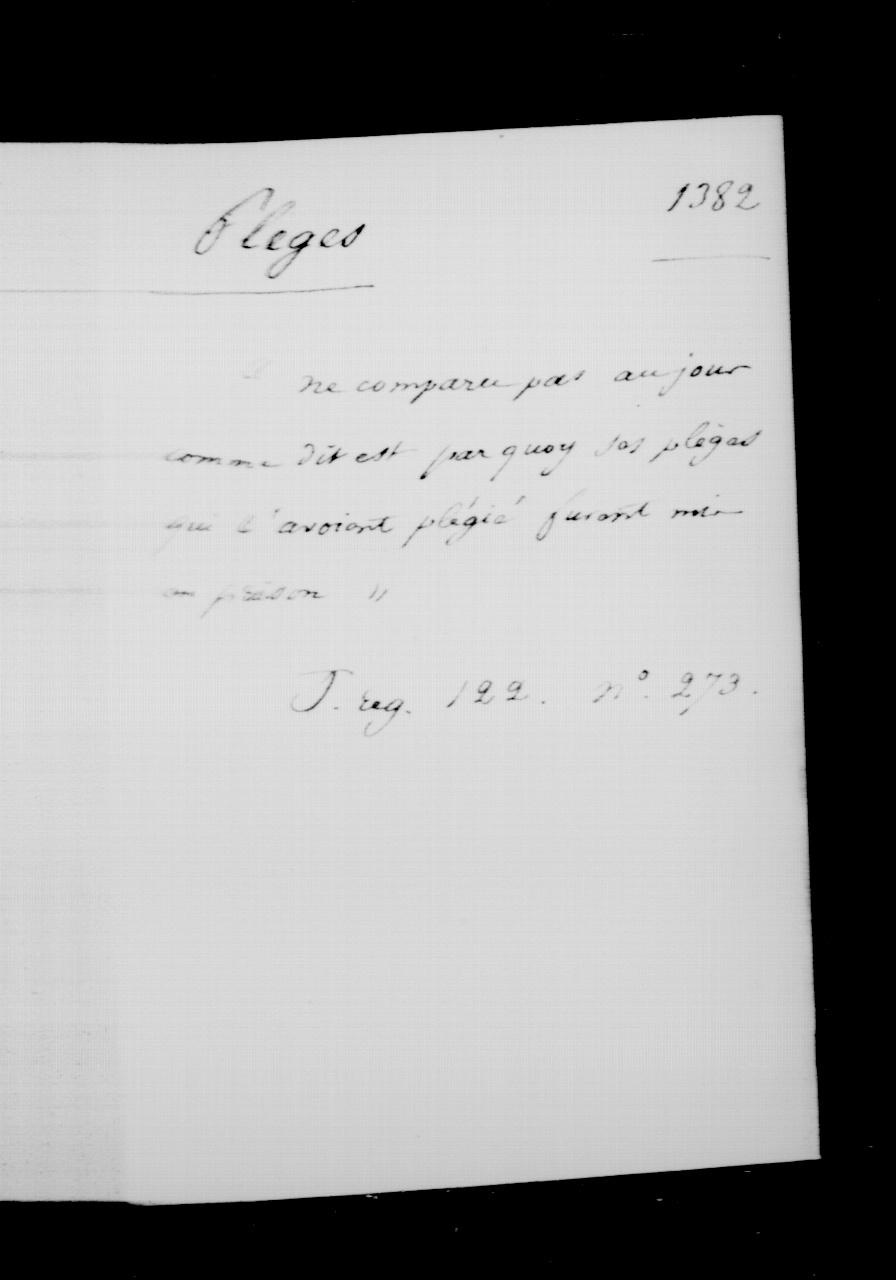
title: Pleges
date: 1382
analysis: "ne comparu pas au jour comme dit est par quoy ses plèges qui l'avoient plégié furent mis en prison"
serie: J
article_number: reg 122
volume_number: n° 273
